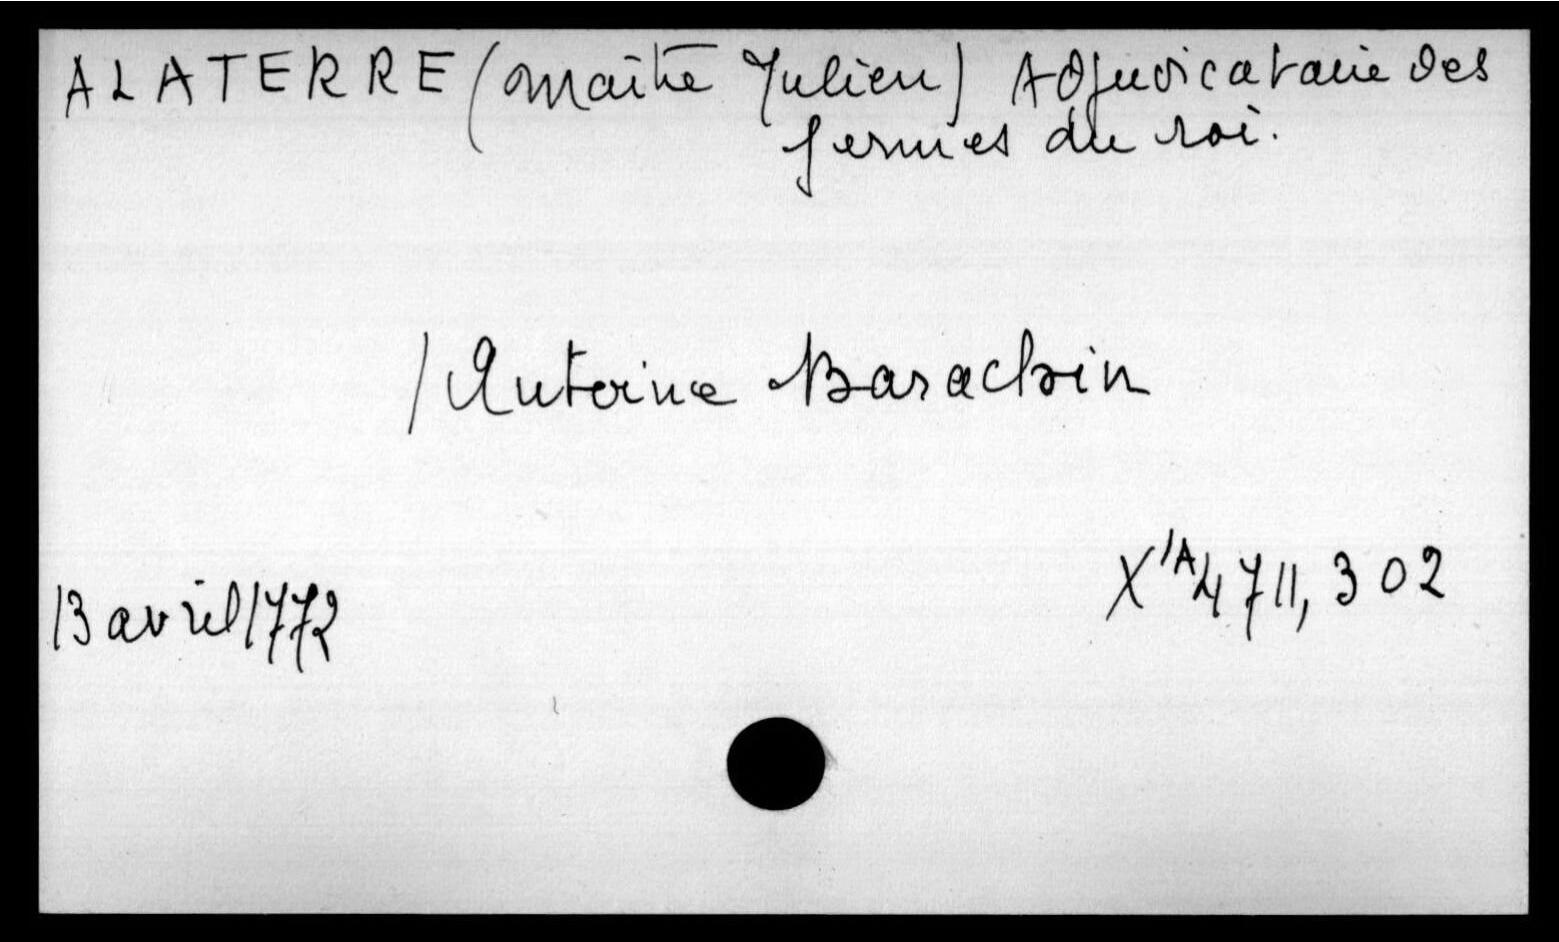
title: ALATERRE (Maître Julien) Adjudicataire des fermes du roi
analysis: Contre Antoine Barachoin
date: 13 avril 1772
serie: X1A
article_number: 4711
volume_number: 302
